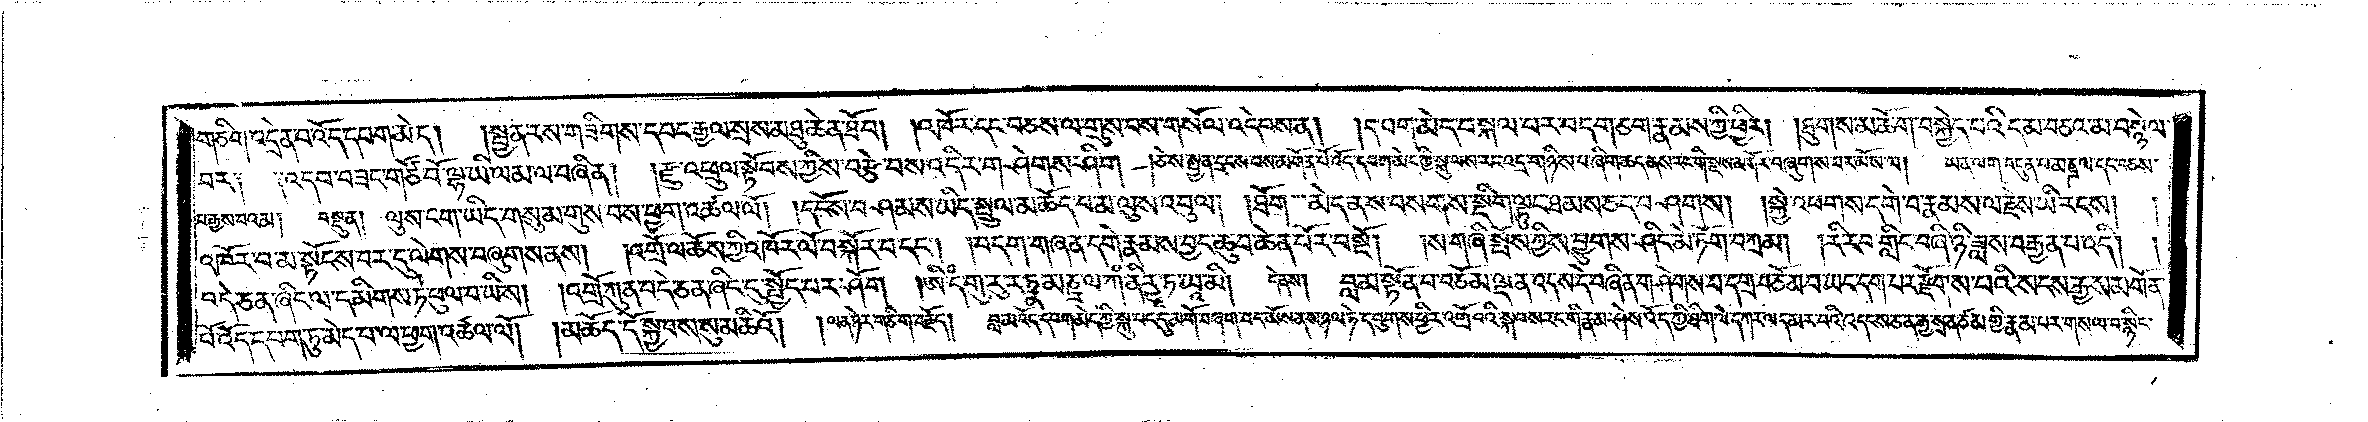གཅིག་འདྲེན་བ་འོད་དཔག་མེད། །སྤྱན་རས་གཟིགས་དབང་རྒྱལ་སྲས་མཐུ་ཆེན་ཐོབ། །འཁོར་དང་བཅས་ལ་གུས་པས་གསོལ་འདེབས་ན། །དབག་མེད་བསྐལ་པར་བདག་ཅག་རྣམས་ཀྱི་ཕྱིར། །ཐུགས་མཆོག་བསྐྱེང་བའི་དམ་བཅའ་མ་བསྙེལ་
བར༑ ༑འདབ་བཟང་གཙོ་བོ་ལྷ་ཡི་ལམ་ལ་བཞིན། །རྫུ་འཕྲུལ་སྟོབས་ཀྱིས་བརྩེ་བས་འདིར་གཤེགས་ཤིག །ཅེས་སྤྱན་དྲངས་བས་མགོན་པོ་འོད་དཔག་མེད་ཀྱི་སྐུ་ལས་རང་འདྲ་གཉིས་པ་ཞིག་ཆང་ནས་རང་གི་སྔས?་མགོར་བཞུགས་པར་མོས་ལ། ཡན་ལག་བདུན་པ་མཎྜལ་དང་བཅས་
བརྒྱས་བའམ། བསྡུ་ན། ལུས་ངག་ཡིད་གསུམ་གུས་བས་ཕྱག་འཚལ་ལོ། །དངོས་བཤམས་ཡིད་སྦྲུལ་མཆོད་པ་མ་ལུས་འབུལ། །ཐོག་མེད་ནས་བསགས་སྡིག་ལྟུང་ཐམས་ཅད་བཤགས། །སྐྱེ་འཕགས་དགེ་བ་རྣམས་ལ་རྗེས་ཡི་རངས། །
འཁོར་བ་མ་སྟོངས་བར་དུ་ལེགས་བཞུགས་ནས། །འགྲོ་ལ་ཆོས་ཀྱི་འཁོར་ལོ་བསྐོར་བ་དང་། །བདག་གཞན་དགེ་རྣམས་བྱང་ཆུབ་ཆེན་པོར་བསྔོ། །ས་གཞི་སྤོས་ཀྱིས་བྱུགས་ཤིང་མེ་ཏོག་བཀྲམ། །རི་རབ་གླིང་བཞི་ཉི་ཟླས་བརྒྱན་པ་འདི། །
བདེ་ཅན་ཞིང་ལ་དམིགས་ཏེ་ཕུལ་བ་ཡིས། །འགྲོ་ཀུན་བདེ་ཅན་ཞིང་དུ་སྤྱོད་པར་ཤོག །ཨི་དཾ་གུ་རུ་རཏྣ་མཎྜལ་ལ་ཀཾ་ནིརྱཱ་ཏ་ཡཱ་མི། དེ་ནས།  བླ་མ་སྟོན་པ་བཅོམ་ལྡན་འདས་དེ་བཞིན་གཤེགས་པ་དགྲ་བཅོམ་པ་ཡང་དག་པར་རྫོགས་པའི་སངས་རྒྱས་མགོན་
པོ་འོད་དཔག་ཏུ་མེད་པ་ལ་ཕྱག་འཚལ་ལོ། །མཆོད་དོ་སྐྱབས་སུ་མཆིའོ། །ལན་ཉེར་གཅིག་བརྗོད། བླ་མ་འོད་དཔག་མེད་ཀྱི་སྐུ་པང་དུ་མགོ་བཞག་བང་མོས་ནས་ཉལ་ཏེ་དབུགས་ཕྱིར་འགྲོ་བའི་སྐབས་རང་གི་རྣམ་ཤེས་འོད་ཀྱི་ཐིག་ལེ་དཀར་ལ་དམར་བའི་འདངས་ཅན་རྒྱ་སྲན་ཙམ་གྱི་རྣམ་པར་གསལ་བ་སྙིན་